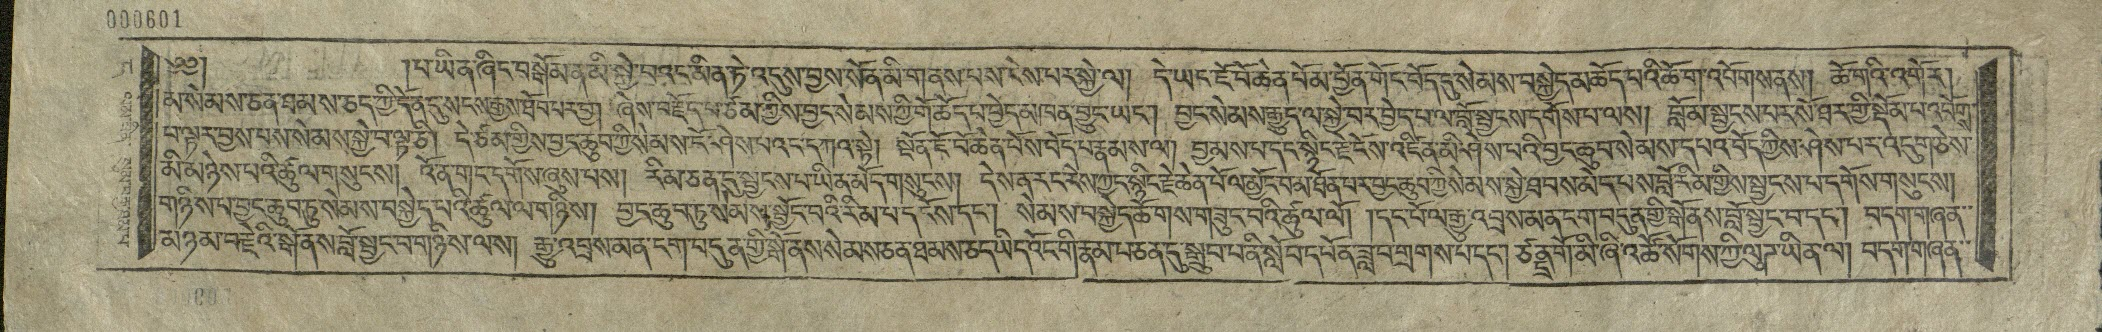༄༅། །པ་ཡིན་ཞིང་བསྒོམ་ན་མི་སྐྱེ་བའང་མིན་ཏེ་འདུས་བྱས་སོ་ན་མི་གནས་པས་ངེས་པར་སྐྱེ་ལ། དེ་ཡང་ཇོ་བོ་ཆེན་པོ་མ་བྱོན་གོང་བོད་དུ་སེམས་བསྐྱེད་མཆོད་བའི་ཆོ་ག་འབོགས་ནས། ཆོ་གའི་འགོར།
མ་སེམས་ཅན་ཐམས་ཅད་ཀྱི་དོན་དུ་སངས་རྒྱས་ཐོབ་པར་བྱ། ཞེས་བརྗོད་པ་ཙམ་གྱིས་བྱང་སེམས་ཀྱི་གོ་ཆོད་པ་བྱེད་མཁན་བྱུང་ཡང་། བྱང་སེམས་རྒྱུད་ལ་སྐྱེ་བར་བྱེད་པ་ལ་བློ་སྦྱངས་དགོས་པ་ལས། བློ་མ་སྦྱངས་པར་སོ་ཐར་གྱི་སྡོམ་པ་འབོགས་
པ་ལྟར་བྱས་པས་སེམས་སྐྱེ་བ་ལྟ་ཅི། དེ་ཙམ་གྱིས་བྱང་ཆུབ་ཀྱི་སེམས་ངོ་ཤེས་པའང་དཀའ་སྟེ། སྔོན་ཇོ་བོ་ཆེན་པོས་བོད་པ་རྣམས་ལ། བྱམས་པ་དང་སྙིང་རྗེ་ངོས་འཛིན་མི་ཤེས་པའི་བྱང་ཆུབ་སེམས་དཔའ་བོད་ཀྱིས་ཤེས་པར་འདུག་ཅེས་
མི་མཉེས་པའི་ཚུལ་གསུངས། འོ་ན་གང་དགོས་ཞུས་པས། རིམ་ཅན་དུ་སྦྱངས་པ་ཡིན་མོད་གསུངས། དེས་ན་རང་རེས་ཀྱང་སྙིང་རྗེ་ཆེན་པོ་ལ་མྱོང་བ་མ་ཐོན་པར་བྱང་ཆུབ་ཀྱི་སེམས་སྐྱེ་ཐབས་མེད་པས་བློ་རིམ་གྱིས་སྦྱངས་པ་དགོས་གསུངས།
གཉིས་པ་བྱང་ཆུབ་ཏུ་སེམས་བསྐྱེད་པའི་ཚུལ་ལ་གཉིས། བྱང་ཆུབ་ཏུ་སེམས་སྦྱོང་བའི་རིམ་པ་དངོས་དང་། སེམས་བསྐྱེད་ཆོ་གས་གཟུང་བའི་ཚུལ་ལོ། །དང་པོ་ལ་རྒྱུ་འབྲས་མན་ངག་བདུན་གྱི་སྒོ་ནས་བློ་སྦྱང་བ་དང་། བདག་གཞན་
མཉམ་བརྗེའི་སྒོ་ནས་བློ་སྦྱང་བ་གཉིས་ལས། རྒྱུ་འབྲས་མན་ངག་བདུན་གྱི་སྒོ་ནས་སེམས་ཅན་ཐམས་ཅད་ཡིད་འོང་གི་རྣམ་པ་ཅན་དུ་སྒྲུབ་པ་ནི་སློབ་དཔོན་ཟླ་བ་གྲགས་པ་དང་། ཙནྡྲ་གོ་མི་ཞི་འཚོ་སོགས་ཀྱི་ལུཌ་ཡིན་ལ། བདག་གཞན་